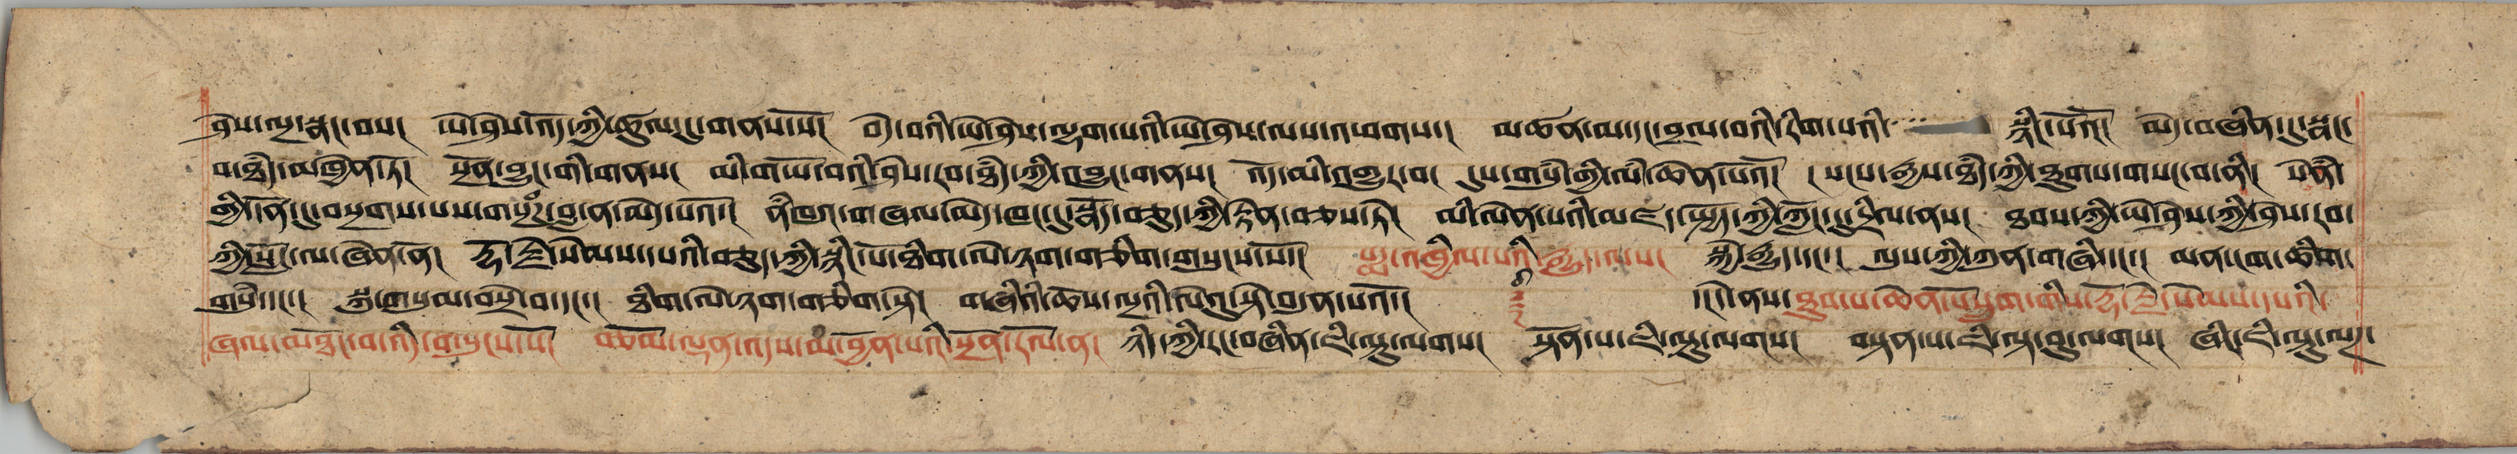ཤེས་ལྔ་སྣང་བས། ཡེ་ཤེས་འོད་ཀྱི་ཚུལ་དུ་གནས་སོ། བདེ་བའི་ཡེ་ཤེས་ལྷག་པའི་ཡེ་ཤེས་ལས་འཕགས་། མཚན་མ་དང་བྲལ་བའི་རིག་པའི་ སྙིང་པའོ། མེད་བཞིན་དུ་སྣང་
བ་ཐཾད་མཁྱེན་ཏེ། སྔོན་བྱུང་གི་གནས། མི་གཡོ་བའི་ཤེས་རབ་ཐཾད་ཀྱི་འབྱུང་གནས། འོད་མི་འགྱུར་བ། དུས་གསུཾ་གྱི་ལཾ་ཆེན་པོའོ། ། སངས་རྒྱས་ཐཾད་ཀྱི་ཐུགས་གསང་བ་ནི། སེཾན་
གྱི་དོན་དུ་བསྔགས་པས་གསྔཾཌ་བླ་ན་མེད་པའོ་། ནཾཁའ་གཞལ་མེད་ཁང་དུ་སྣོད་བཅུད་ཀྱི་རྟེན་བཅས་ཏེ། མི་ལེན་པའི་མཛད་སྤྱོད་ཀྱི་ཀློང་དུ་དྲིལ་ནས། ཐབས་ཀྱི་ཡེ་ཤེས་ཀྱི་ཤེས་རབ་
ཀྱི་སློང་ལ་ཞེན་ནོ། རྡོ་རྗེ་སེམས་དཔའི་བཅུད་ཀྱི་སྙིང་པོ་ཐིག་ལེ་ཉག་གཅིག་གསུངས་སོ་། པདྨ་འཁྱིལ་པའི་རྒྱུད་ལས། སྐྱེ་རྒྱུད་དང་། ལུས་ཀྱི་ཀུན་གཞི་དང་། མན་ངག་ཚིག་
གསུཾ་དང་། སྐུ་གསུམ་བསྲེ་བ་དང་། ཐིག་ལེ་ཉག་གཅིག་སྟེ། གཞིའི་ཆོས་ལྔའི་ལེའུ་སྟེ་བདུན་པའོ་། ༈ ་།དེ་ནས་ཐུབ་པ་ཆེན་པོ་དྲུག་གིས་རྡོ་རྗེ་སེམས་དཔའི་
ཞལ་མཐོང་བ་འདི་གསུངས་སོ། བཅོམ་ལྡན་འདས་མ་བྱོན་པའི་སྔོན་རོལ་ན། ཉིད་ཀྱི་རང་བཞིན་ཇི་ལྟུ་ལགས། སྟོན་པ་ཇི་ལྟུ་ལགས། བསྟན་པ་ཇི་ལྟ་བུ་ལགས། ཞིང་ཇི་ལྟུ་ལཌ་